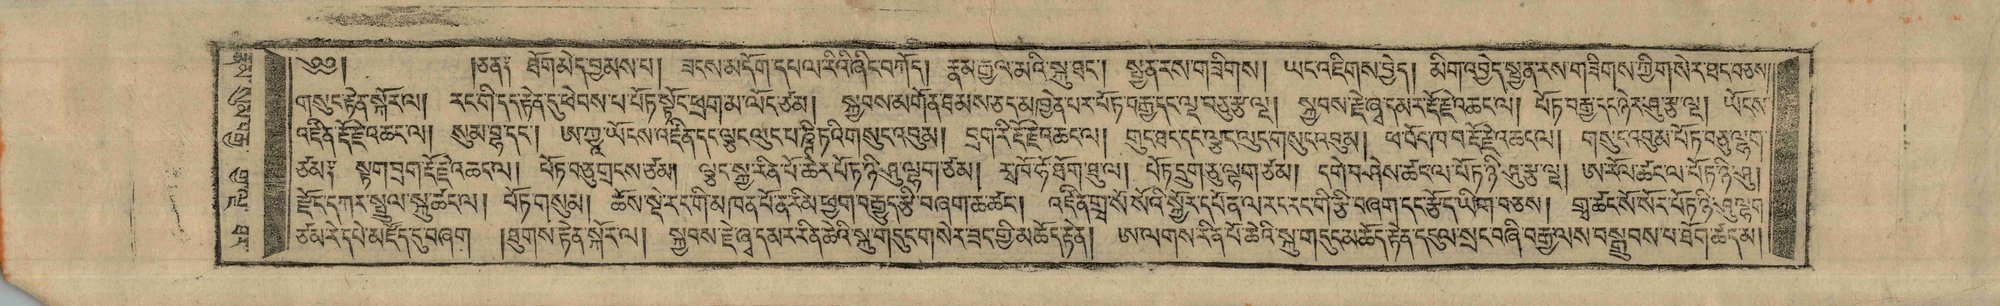༄༅། །ཅན། ཐོག་མེད་བྱམས་པ། ཟངས་མདོག་དཔལ་རིའི་ཞིང་བཀོད། རྣམ་རྒྱལ་མའི་སྐུ་ཐང་།སྤྱན་རས་གཟིགས། ཡང་འཇིགས་བྱེད། མིག་འབྱེད་སྤྱན་རས་གཟིགས་ཀྱི་གསེར་ཐང་བཅས།
གསུང་རྟེན་སྐོར་ལ། རང་གི་དད་རྟེན་དུ་ཕེབས་པ་པོཏ་སྟོང་ཕྲག་མ་ལོང་ཙམ། སྐྱབས་མགོན་ཐམས་ཅད་མཁྱེན་པར་པོཏ་བརྒྱ་དང་ལྔ་བཅུ་རྩ་ལྔ། སྐྱབས་རྗེ་ཞྭ་དམར་རྡོ་རྗེ་འཆང་ལ། པོཏ་བརྒྱ་དང་ཉེར་ཤུ་རྩ་ལྔ། ཡོངས་
འཛིན་རྡོ་རྗེ་འཆང་ལ། སུམ་བྷ་དང་། ཨ་ཀྱཱ་ཡོངས་འཛིན་དང་ལྕང་ལུང་པ་ཎྚི་ཏའི་གསུང་འབུམ། བྲག་རི་རྡོ་རྗེ་འཆང་ལ། གུང་ཐང་དང་ལྕང་ལུང་གསུང་འབུམ། ཕ་བོང་ཁ་པ་རྡོ་རྗེ་འཆང་ལ། གསུང་འབུམ་པོཏ་བཅུ་ལྷག་
ཙམ། སྟག་བྲག་རྡོ་རྗེ་འཆང་ལ། པོཏ་བཅུ་གྲངས་ཙམ། ལྕང་སྐྱ་རིན་པོ་ཆེར་པོཏ་ཉི་ཤུ་ལྷག་ཙམ། རྭ་ཁོ་ཧོ་ཐོག་ཐུ་ལ། པོཏ་དྲུག་ཅུ་ལྷག་ཙམ། དགེ་བཤེས་ཚང་ལ་པོཏ་ཉི་ཤུ་རྩ་ལྔ། ཨ་རོལ་ཚང་ལ་པོཏ་ཉི་ཤུ།
རྫོང་དཀར་སྤྲུལ་སྐུ་ཚང་ལ། པོཏ་གསུམ། ཆོས་སྡེ་རང་གི་མཁན་པོ་ན་རིམ་ཕྱག་བརྒྱུད་རྩི་བཞག་ཆ་ཚང་། འཛིན་གྲྭ་སོ་སོའི་སྐྱོར་དཔོན་ལ་རང་རང་གི་རྩི་བཞག་དང་རྩོད་ཡིག་བཅས། གྲྭ་ཚང་སོ་སོར་པོཏ་ཉི་ཤུ་ལྷག་
ཙམ་རེ་དཔེ་མཛོད་དུ་བཞག །ཐུགས་རྟེན་སྐོར་ལ། སྐྱབས་རྗེ་ཞྭ་དམར་རིན་ཆེའི་སྐུ་གདུང་གསེར་ཟང་གྱི་མཆོད་རྟེན། ཨ་ལགས་རིན་པོ་ཆེའི་སྐུ་གདུང་མཆོད་རྟེན་དངུལ་སྲང་བཞི་བརྒྱ་ལས་བསྒྲུབས་པ་ཐོག་ཚད་མ།